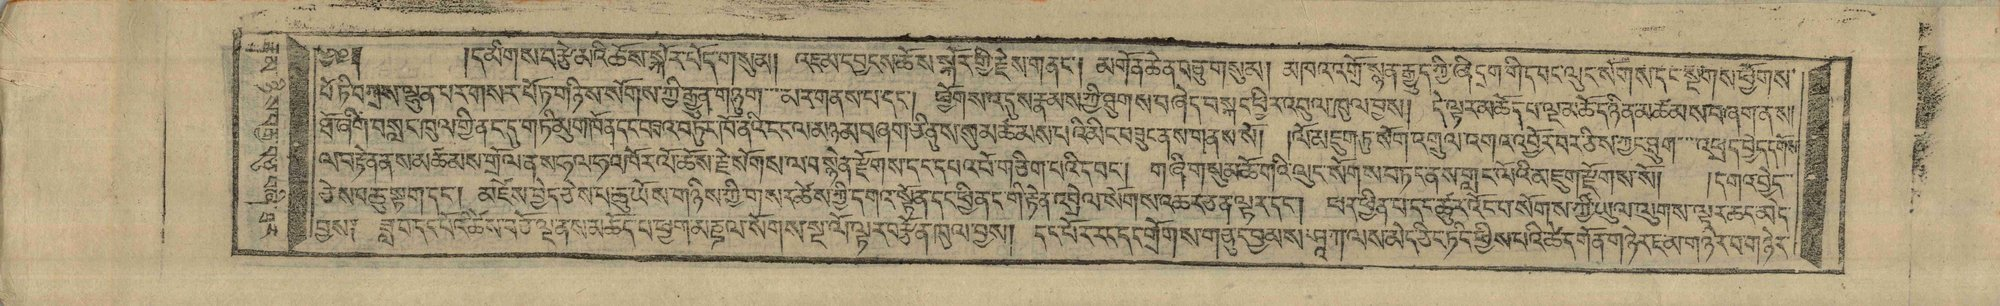༄༅། །དམིགས་བརྩེ་མའི་ཆོས་སྐོར་པོད་གསུམ། འཇམ་དབྱངས་ཆོས་སྐོར་གྱི་རྗེས་གནང་། མགོན་ཆེན་བཅུ་གསུམ། མཁའ་འགྲོ་སྙན་རྒྱུད་ཀྱི་ཞི་དྲག་གི་དབང་ལུང་སོགས་དང་སྔགས་ཕྱོགས་
པོ་ཏི་བཀྲས་ལྷུན་པར་གསར་པོཏ་གཉིས་སོགས་ཀྱི་རྒྱུན་གཉུག་མར་གནས་པ་དང་། ཕྱོགས་འདུས་རྣམས་ཀྱི་ཐུགས་བཞེད་བསྐད་ཕྱིར་འབུལ་ཁུལ་བྱས། དེ་ལྟར་མཆོད་པ་ལྔ་མཆོད་ཉིན་མཚམས་བཞག་ནས།
ཐོ་ཞིག་བསླང་ཁུལ་གྱི་ནང་དུ་གཏི་མུག་ཁོ་ན་དང་བཟའ་བཏུང་ཁོ་ནའི་ངང་ལ་མཉམ་བཞག་ཅི་ནུས་སུ་མཚམས་པའི་མིང་བཟུང་ནས་གནས་སོ། །ལོ་མཇུག་ཏུ་སོག་འགྲུལ་འགའ་འབྱོར་བར་ཅིས་ཀྱང་ཐུག་འཕྲད་བྱེད་དགོས་
ལ་བརྟེན་ནས་མཚམས་གྲོལ་ནས་ཧ་ལ་ཧ་འཁོར་ལོ་ཆོས་རྗེ་སོགས་ལ་བསྙེན་རྫོགས་དང་དཔའ་བོ་གཅིག་པའི་དབང་། གཞི་གསུམ་ཆོ་གའི་ལུང་སོགས་བཏང་ནས་གླང་ལོའི་མཇུག་རྫོགས་སོ། །དགའ་བྱེད་
ཅེས་པ་ཆུ་སྟག་དང་། མཛེས་བྱེད་ཅེས་པ་ཆུ་ཡོས་གཉིས་ཀྱི་གསར་ཚེས་ཀྱི་དགའ་སྟོན་དང་ཕྱི་ནང་གི་རྟེན་འབྲེལ་སོགས་འཆར་ཅན་ལྟར་དང་། ཕར་ཕྱིན་པ་དང་ཚུར་འོང་བ་སོགས་ཀྱི་ཡུལ་ལུགས་ལྟར་ཆད་མེད་
བྱས༑ ཟླ་བ་དང་པོའི་ཚེས་བཅོ་ལྔ་ནས་མཆོད་པ་ཕྱག་མཎྜལ་སོགས་སྔ་ལོ་ལྟར་བརྩོན་ཁུལ་བྱས། དང་པོར་རང་དང་གྲོགས་གནུང་བྱམས་ཤཱཀ་ལས་མེད་ཅིང་ཏིང་ཕྱིས་པའི་ཚེ་དགོན་གཉེར་ཇམ་གཉེར་བ་གཉེར་